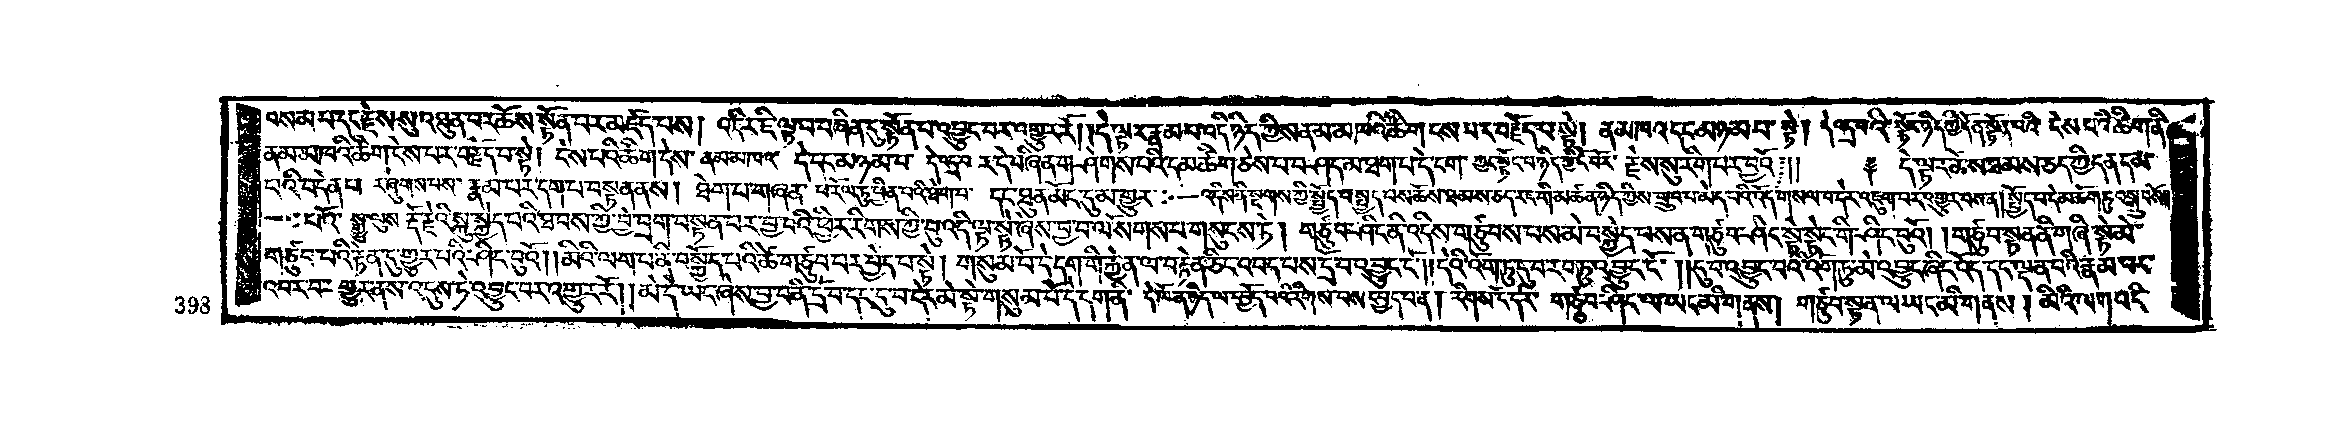བསམ་པ་དང་རྗེས་སུ་འཐུན་པར་ཆོས་སྟོན་པར་མཛད་པས། འདིར་ཇི་ལྟ་བ་བཞིན་དུ་སྟོན་པ་འབྱུང་བར་འགྱུར་རོ། །དེ་ལྟར་རྣམ་པ་འདི་ཉིད་ཀྱིས་ནམ་མཁའི་ཚིག་ངེས་པར་བརྗོད་པ་སྟེ། ནམ་མཁའ་དང་མཉམ་པ་སྟེ། དེ་འདྲ་བའི་སྟོང་ཉིད་ཀྱི་དོན་སྟོན་པའི་ངེས་པའི་ཚིག་ནི་
ནམ་མཁའི་ཚིག་ངེས་པར་བརྗོད་པ་སྟེ། ངེས་པའི་ཚིག་དེས་ནམ་མཁའ་དེ་དང་མཉམ་པ་དེ་འདྲ་བར་དེ་བཞིན་གཤེགས་པའི་དམ་ཚིག་ཅེས་པ་བཤད་མ་ཐག་པ་དེ་དག་ཀྱང་སྟོང་པ་ཉིད་ཀྱི་ངོ་བོར་རྗེས་སུ་རིག་པར་བྱའོ།། ༈ དེ་ལྟར་ཆོས་ཐམས་ཅད་ཀྱི་དོན་དམ་
པའི་བདེན་པར་ཞུགས་པས་རྣམ་པར་དག་པ་བསྟན་ནས། ཐེག་པ་གཞན་ཕ་རོལ་ཏུ་ཕྱིན་པའི་ཐེག་པ་དང་ཐུན་མོང་དུ་མ་གྱུར་H.་འདིས་ནི་སྔགས་ཀྱི་སྤྱོད་པ་སྤྱད་པས་ཆོས་ཐམས་ཅད་རང་གི་མཚན་ཉིད་ཀྱིས་གྲུབ་པ་མེད་པའི་འོད་གསལ་བ་དེར་འཇུག་པར་འགྱུར་བས་ན། སྤྱོད་པ་དེ་མཆོག་ཏུ་བསྒྲུབས་སོ།།
.H པའོ་སྒྱུ་ལུས་རྡོ་རྗེའི་སྐུ་སྐྱེད་པའི་ཐབས་ཀྱི་བྱེ་བྲག་བསྟན་པར་བྱ་བའི་ཕྱིར་རིགས་ཀྱི་བུ་འདི་ལྟ་སྟེ་ཞེས་བྱ་བ་ལ་སོགས་པ་གསུངས་ཏེ། གཙུབ་ཤིང་ནི་འདིས་གཙུབས་པས་མེ་བསྐྱེད་པས་ན་གཙུབ་ཤིང་སྟེ་སྟེང་གི་ཤིང་བུའོ། །གཙུབ་སྟན་ནི་གཞི་སྟེ་མེ་
གཙུབ་པའི་རྟེན་དུ་གྱུར་བའི་ཤིང་བུའོ། །མིའི་ལག་པ་ནི་བསྐྱེད་པའི་ཚེ་གཙུབ་པར་བྱེད་པ་སྟེ། གསུམ་པོ་དེ་དག་གི་རྐྱེན་ལ་བརྟེན་ཅིང་འབད་པས་དྲོ་བ་འབྱུང་ངོ། །དེའི་འོག་ཏུ་དུ་བ་རབ་ཏུ་འབྱུང་ངོ། །དུ་བ་འབྱུང་བའི་འོག་ཏུ་མེ་འབྱུང་ཞིང་འོད་དང་ལྡན་པའི་རྣམ་པར་
འབྱུང་བར་གྱུར་ནས་འདུས་ཏེ་འབྱུང་བར་འགྱུར་རོ། །མེ་དེ་ཡང་ཞེས་བྱ་བ་ནི་དྲོ་བ་དང་དུ་བ་དང་མེ་སྟེ་གསུམ་པོ་དེ་དག་ནི་དེ་ཁོ་ན་ཉིད་ལ་དཔྱོད་པའི་རིགས་པས་དཔྱད་པ་ན། རིགས་ངོ་དེར་གཙུབ་ཤིང་ལ་ཡང་མི་གནས། གཙུབ་སྟོན་ལ་ཡང་མི་གནས། མིའི་ལག་པའི་